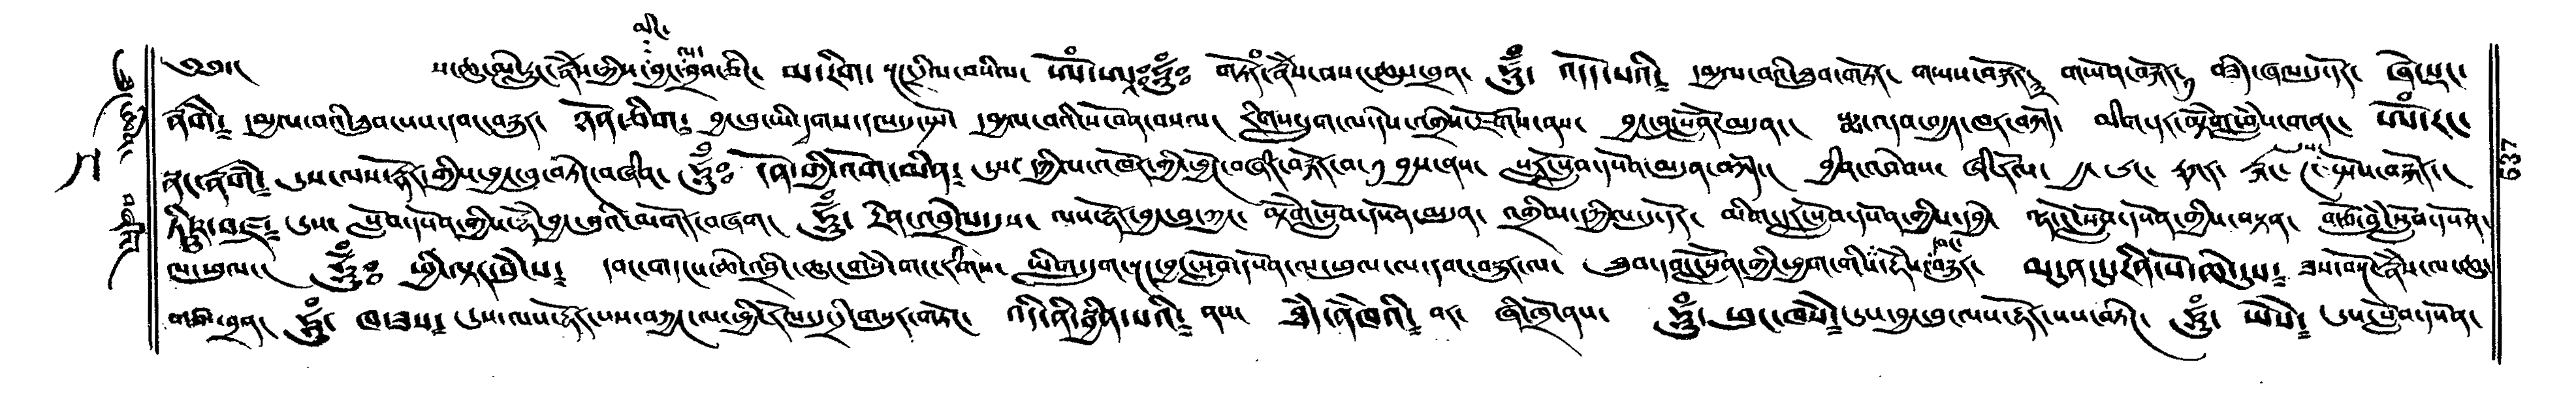༣༣༧༽ ས་ཆུ་མེ་རླུང་རྣམས་ཀྱིས་མིང་བྱང་ལ་བྲབ་ཅིང་། མ་རིག༴ སྔགས། དྲིལ་བསིལ། ཨོཾ་ཨཱཿཧཱུཾཿ གཏོར་མ་རྣམས་བསང་ཆུས་བྲན། ཧཱུྃ། འདོད་པའི༴ དམྱལ་བའི་ཐུབ་གཏོར། གཡས་བསྐོར་གསུམ། གཡོན་བསྐོར་གཅིག བཟེད་ཞལ་དུ་དོར། ཞེ་སྡང་
རྣམ་དག༴ དམྱལ་བའི་ཐུབ་པས་དབང་བསྐུར། ཉོན་ཅིག༴ བྱང་བུ་ཡི་དྭགས་དལ་དུ་སྤོ། དམྱལ་བའི་ས་བོན་བསལ། རིགས་དྲུག་ལ་དེས་འགྲེས་རྫོགས་ནས། བྱང་བུ་སློབ་དཔོན་མདུན། པདྨ་འདབ་བརྒྱད་ཁར་དགོད། མི་དར་མེ་ཏོག་བླ་མས་གནང་། ཨོཾཿརང་
སྣང་རྣམ་དག༴ དུས་ལས་རྡོར་གྱིས་བྱང་བུ་འདེགས་བཞིན། ཧཱུྃཿ དོན་གྱི་འོག་མིན༴ དུས་དཀྱིལ་འཁོར་གྱི་ཕྱོགས་བཞིར་བསྐོར་བ་གཅིག་བྱས་ནས། སླར་སློབ་དཔོན་མདུན་དགོད། བྱིན་འབེབས། ཞི་རོལ། རྒྱ། དུང་། དཀར། ཌཱ་དུས། སྤོས་བསྐོར། 
ཏིཥྛ་བཛྲ༴ དུས། སློབ་དཔོན་གྱིས་རྡོ་རྗེ་བྱང་བུའི་མགོར་གཞགཧཱུྃ། རྟེན་འབྲེལ་དུས༴ ལས་རྡོར་གྱིས་བྱང་བུབ་ཀྱགས། མེ་ཏོག་སློབ་དཔོན་མདུན་འགྲིམ་དཀྱིལ་དུ་དོར། མིག་དར་སློབ་དཔོན་གྱིས་དབྱེ། ལྷ་ངོ་སློབ་དཔོན་གྱིས་བསྟན། གཙོ་བུམ་སློབ་དཔོན་
ལ་ཕུལ། ཧཱུྃཿ ཕྱི་ལྟར་བུམ་པ༴ དབང་གདངས་ཆེ་འབྲིང་ཆུང་གསུམ་གང་རིགས། ཡིག་དྲུག་སྔགས་བྱང་སློབ་དཔོན་ལ་ཕུལ་ནས་དབང་བསྐུར་ལ། ཐུབ་དབང་སློབ་དཔོན་གྱི་ཕྱག་གི་རྡོ་རྗེས་དབང་བསྐུར། མདུན་དུ་རིན་པོ་ཆེ༴ དུས་ཟས་བསྔོ་རྣམས་ལ་ཆུ་
གཙང་བྲན། ཧཱུྃ། ཁ་ཟས༴ དུས་ལས་རྡོར་པས་བཀྱགས་ལ་ཕྱི་རོལ་དུ་དྲི་གསུར་གཏང་། འདི་ནི་སྦྱིན་པའི༴ ནས། ཐམས་ཅད་ནམ་མཁའི༴ བར། ཞི་ཁྲོ་ནས། ཧཱུྃ། ཕུང་ཁམས༴ དུས་བྱང་བུ་ལས་རྡོར་པས་བཏེགས། ཧཱུྃ། ཡེ་ཤེས༴ དུས་སློབ་དཔོན་